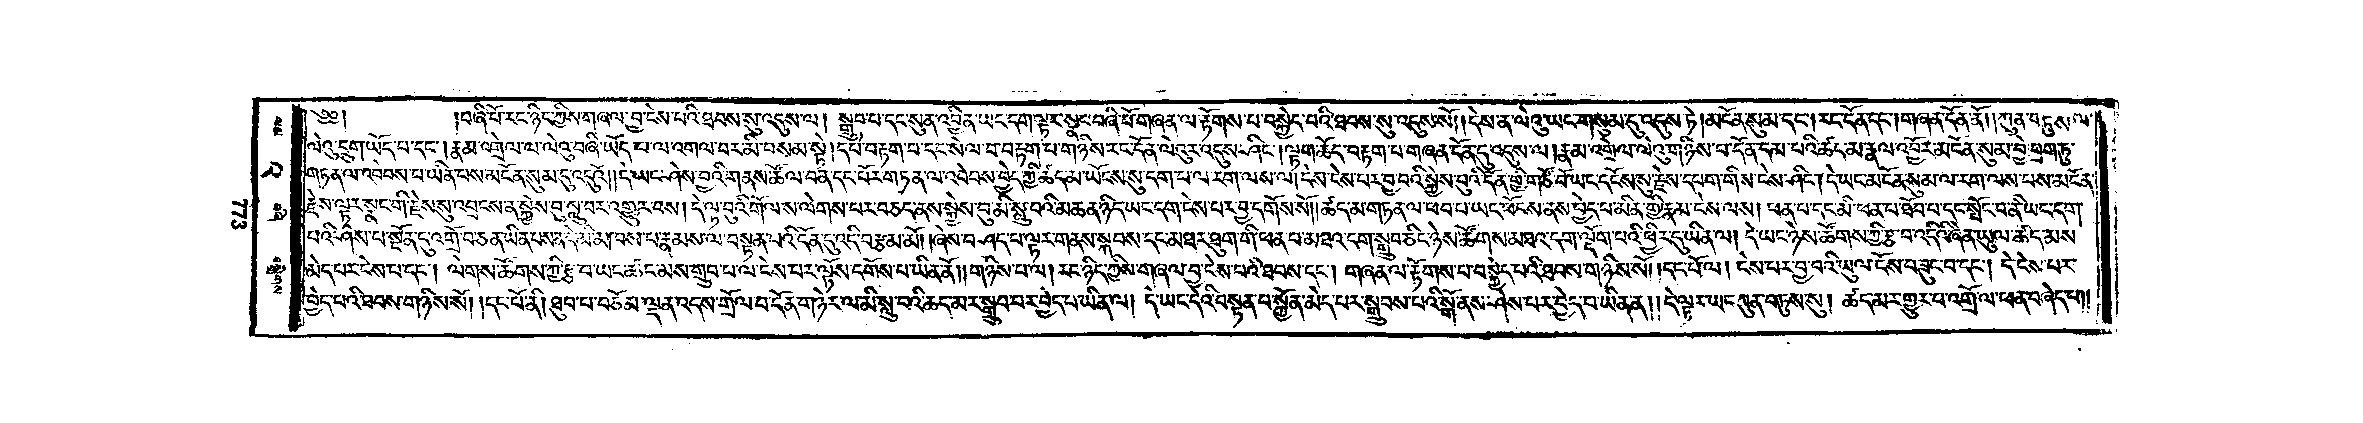༄༅། །བཞི་པོ་རང་ཉིད་ཀྱིས་གཞལ་བྱ་ངེས་པའི་ཐབས་སུ་འདུས་ལ། སྒྲུབ་པ་དང་སུན་འབྱིན་ཡང་དག་ལྟར་སྣང་བཞི་པོ་གཞན་ལ་རྟོགས་པ་བསྐྱེད་པའི་ཐབས་སུ་འདུས་སོ། །དེས་ན་ལེའུ་ཡང་གསུམ་དུ་འདུས་ཏེ། མངོན་སུམ་དང་། རང་དོན་དང་། གཞན་དོན་ནོ། །ཀུན་བཏུས་ལ་
ལེའུ་དྲུག་ཡོད་པ་དང་། རྣམ་འགྲེལ་ལ་ལེའུ་བཞི་ཡོད་པ་ལ་འགལ་བར་མི་བསམ་སྟེ། དཔེ་བརྟག་པ་དང་སེལ་བ་བརྟག་པ་གཉིས་རང་དོན་ལེའུར་འདུས་ཤིང་། ལྟག་ཆོད་བརྟག་པ་གཞན་དོན་དུ་འདུས་ལ། རྣམ་འགྲེལ་ལེའུ་གཉིས་པ་དོན་དམ་པའི་ཚད་མ་རྣལ་འབྱོར་མངོན་སུམ་བྱེ་བྲག་ཏུ་
གཏན་ལ་འབེབས་པ་ཡིན་པས་མངོན་སུམ་དུ་འདུའོ། །དེ་ཡང་ཤེས་བྱའི་གནས་ཚོལ་བན་དང་པོར་གཏན་ལ་འབེབས་བྱེད་ཀྱི་ཚད་མ་ཡོངས་སུ་དག་པ་ལ་རག་ལས་ལ། ངེས་ངེས་པར་བྱ་བའི་སྐྱེས་བུའི་དོན་གྱི་གཙོ་བོ་ཡང་དངོས་སུ་རྗེས་དཔག་གིས་ངེས་ཤིང་། དེ་ཡང་མངོན་སུམ་ལ་རག་ལས་པས་མངོན་
རྗེས་ལྟར་སྣང་གི་རྗེས་སུ་འབྲངས་ན་སྐྱེས་བུ་སླུ་བར་འགྱུར་བས། དེ་ལྟ་བུའི་གོལ་ས་ལེགས་པར་བཅད་ནས་སྐྱེས་བུ་མི་སླུ་བའི་མཚན་ཉིད་ཡང་དག་ངེས་པར་བྱ་དགོས་སོ། །ཚད་མ་གཏན་ལ་ཕབ་པ་ཡང་ཕོངས་ནས་བྱེད་པ་མིན་གྱི་རྣམ་ངེས་ལས། ཕན་པ་དང་མི་ཕན་པ་ཐོབ་པ་དང་སྤོང་བ་ནི་ཡང་དག་
པའི་ཤེས་པ་སྔོན་དུ་འགྲོ་བ་ཅན་ཡིན་པས་ན་དེ་མི་མཁས་པ་རྣམས་ལ་བསྟན་པའི་དོན་དུ་འདི་བརྩམ་མོ། །ཞེས་བཤད་པ་ལྟར་གནས་སྐབས་དང་མཐར་ཐུག་གི་ཕན་པ་མཐའ་དག་སྒྲུབ་ཅིང་ཉེས་ཚོགས་མཐའ་དག་ལྡོག་པའི་ཕྱིར་དུ་ཡིན་ལ། དེ་ཡང་ཉེས་ཚོགས་ཀྱི་རྩ་བ་འདིའི་ཞེན་ཡུལ་ཚད་མས་
མེད་པར་ངེས་པ་དང་། ལེགས་ཚོགས་ཀྱི་རྩ་བ་ཡང་ཚང་མས་གྲུབ་པ་ལ་ངེས་པར་ལྟོས་དགོས་པ་ཡིན་ནོ། །གཉིས་པ་ལ། རང་ཉིད་ཀྱིས་གཞལ་བྱ་ངེས་པའི་ཐབས་དང་། གཞན་ལ་རྟོགས་པ་བསྐྱེད་པའི་ཐབས་གཉིས་སོ། །དང་པོ་ལ། ངེས་པར་བྱ་བའི་ཡུལ་ངོས་བཟུང་བ་དང་། དེ་ངེས་པར་
བྱེད་པའི་ཐབས་གཉིས་སོ། །དང་པོ་ནི། ཐུབ་པ་བཅོམ་ལྡན་འདས་གྲོལ་བ་དོན་གཉེར་ལ་མི་སླུ་བའི་ཆད་མར་སྒྲུབ་པར་བྱེད་པ་ཡིན་ལ། དེ་ཡང་དེའི་བསྟན་པ་སྐྱོན་མེད་པར་སྒྲུབས་པའི་སྒོ་ནས་ཤེས་པར་བྱེད་པ་ཡིན་ན། །དེ་ལྟར་ཡང་ཀུན་བཏུས་སུ། ཚད་མར་གྱུར་པ་འགྲོ་ལ་ཕན་བཞེད་པ། །